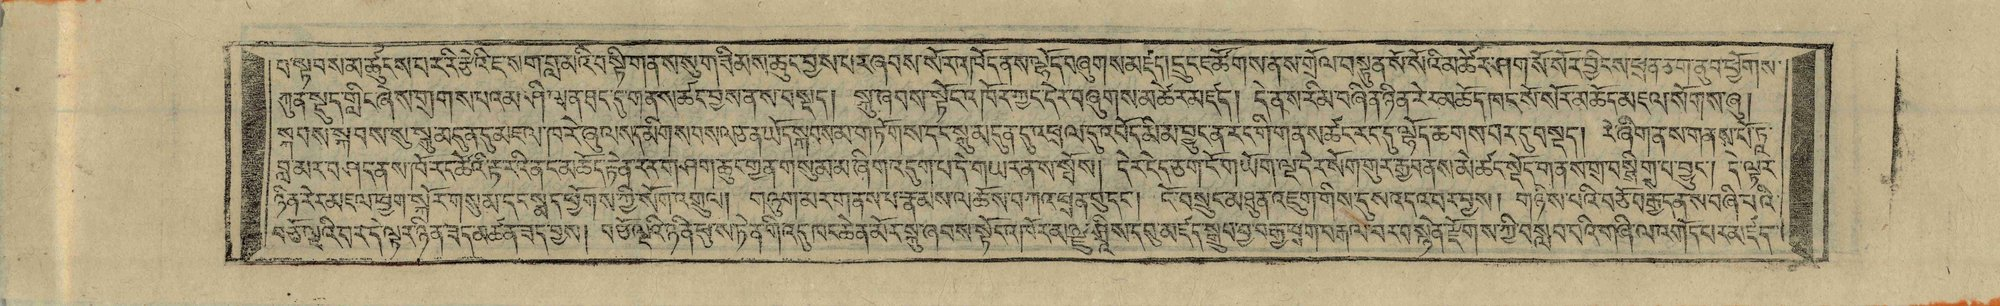བ་སྟབས་མཚུངས་པར་རི་རྩེའི་ཇ་སག་བླ་མའི་བསྟི་གནས་སུ་གཟིམས་ཆུང་བྱས་པར་ཞབས་སོར་འཁོད་ནས་ལྷོད་བཞུགས་མཛད། དྲུང་ཇ་ཚོགས་ནས་གྲོལ་བསྟུན་སོ་སོའི་མཚེར་ཤག་སོ་སོར་བྱིངས་ཕྲན་ཅག་ནུབ་ཕྱོགས་
ཀུན་སྡུད་གླིང་ཞེས་གྲགས་པའམ་ཤི་ཝན་ཐང་དུ་གནས་ཚང་བྱས་ནས་བསྡད། སྐུ་ཞབས་སྟོང་འཁོར་ཀྱང་དེར་བཞུགས་མཚེར་མཛད། དེ་ནས་རིམ་བཞིན་ཉིན་རེར་མཆོད་ཁང་སོ་སོར་མཆོད་མཇལ་སོགས་ཞུ།
སྐབས་སྐབས་སུ་སྐུ་མདུན་དུ་མཇལ་ཁ་རེ་ཞུ་ལས་དམིགས་བསལ་ཅན་ཡོད་སྐབས་མ་གཏོགས་དང་སྐུ་མདུན་དུ་འཕྲལ་དུ་འབོད་མི་མ་བྱུང་ན་རང་གི་གནས་ཚང་རང་དུ་ལྷོད་ཆགས་པར་དུ་བསྡད། རེ་ཞིག་ནས་གནས་པོ་ཏཱ་
བླ་མར་བཤད་ནས་ཁོ་རང་ཚེའི་རྟ་རའི་ནང་མཆོད་རྟེན་རར་གཤག་ཆུང་གྱན་གསུམ་མ་ཞིག་འདུག་པ་དེ་གཡར་ནས་སྤོས། དེར་ངེད་ཅག་ངོ་གཡོག་ལྔ་དེར་སོག་གུར་རྒྱབ་ནས་མེ་ཚང་སྡོད་གནས་གྲ་བསྒྲིགས་པ་བྱུང་། དེ་ལྟར་
ཉིན་རེར་མཇལ་ཕྱག་སྐོར་གསུམ་དང་སྨད་ཕྱོགས་ཀྱི་སོག་འགྲུལ། གཉུག་མར་གནས་པ་རྣམས་ལ་ཆོས་བཀའ་ཕྲན་བུ་དང་། ངོ་བསྲུང་མཐུན་འཇུག་གིས་དུས་འདའ་བར་བྱས། གཉིས་པའི་བཅོ་བརྒྱད་ནས་བཞི་པའི་
བཅོ་ལྔའི་བར་དེ་ལྟར་ཉིན་ཟད་མཚན་ཟད་བྱས། བཅོ་ལྔའི་ཉིན་ཕུ་ས་ཏེན་གི་འདུ་ཁང་ཆེན་མོར་སྐུ་ཞབས་སྟོང་འཁོར་མཉྫུ་ཤྲཱིས་དབུ་མཛད་སྒྲུབ་བྱ་བརྒྱ་ཕྲག་བརྒལ་བར་བསྙེན་རྫོགས་ཀྱི་བསླབ་པའི་གཞི་ལ་འགོད་པར་མཛད་